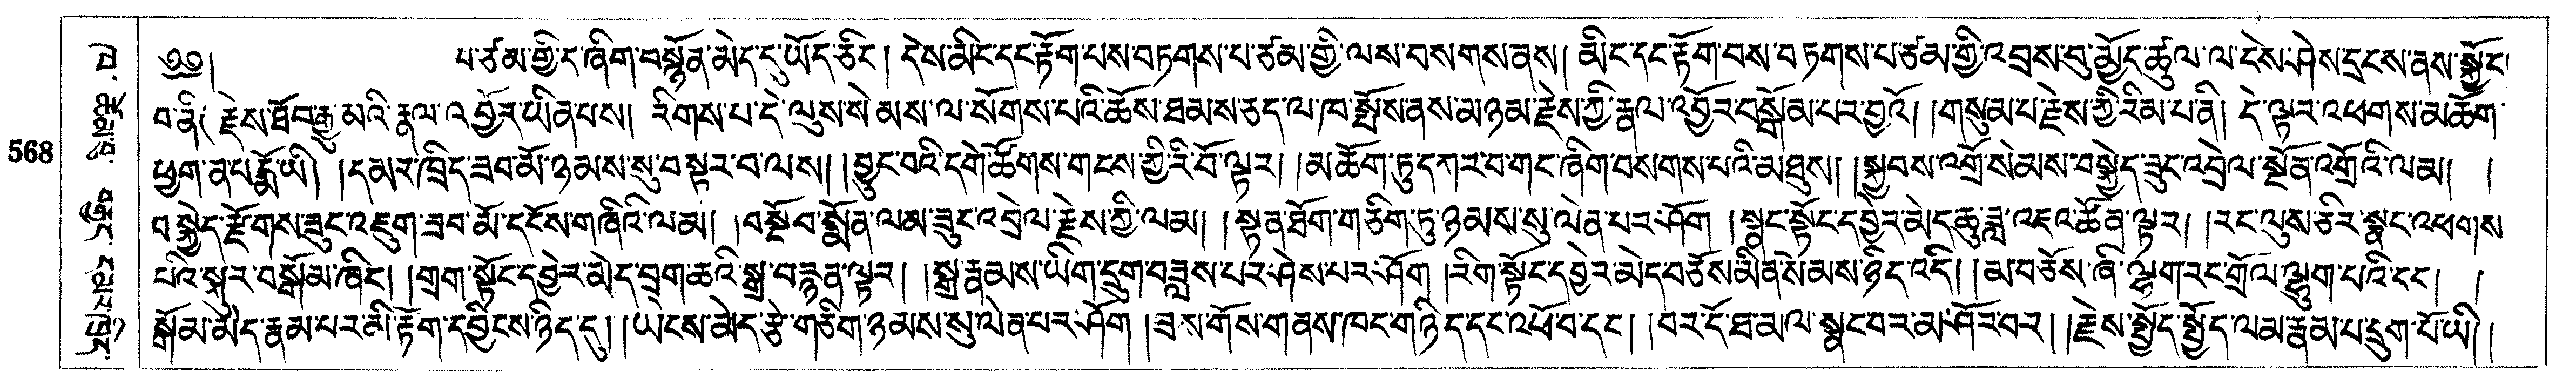༄༅། །པ་ཙམ་གྱི་ང་ཞིག་བསྙོན་མེད་དུ་ཡོད་ཅིང་། དེས་མིང་དང་རྟོག་པས་བཏགས་པ་ཙམ་གྱི་ལས་བསགས་ནས། མིང་དང་རྟོག་བས་བཏགས་པ་ཙམ་གྱི་འབྲས་བུ་མྱོང་ཚུལ་ལ་ངེས་ཤེས་དྲངས་ནས་སྐྱོང་།
བ་ནི༑ རྗེས་ཐོབ་རྒྱུ་མའི་རྣལ་འབྱོར་ཡིན་པས། རིགས་པ་དེ་ལུས་སེམས་ལ་སོགས་པའི་ཆོས་ཐམས་ཅད་ལ་ཁ་སྤོས་ནས་མཉམ་རྗེས་ཀྱི་རྣལ་འབྱོར་བསྒོམ་པར་བྱའོ། །གསུམ་པ་རྗེས་ཀྱི་རིམ་པ་ནི། དེ་ལྟར་འཕགས་མཆོག་
ཕྱག་ན་པདམོ་ཡི། །དམར་ཁྲིད་ཟབ་མོ་ཉམས་སུ་བསྟར་བ་ལས། །བྱུང་བའི་དགེ་ཚོགས་གངས་ཀྱི་རི་བོ་ལྟར། །མཆོག་ཏུ་དཀར་བ་གང་ཞིག་བསགས་པའི་མཐུས། །སྐྱབས་འགྲོ་སེམས་བསྐྱེད་ཟུང་འབྲེལ་སྔོན་འགྲོའི་ལམ། །
བསྐྱེད་རྫོགས་ཟུང་འཇུག་ཟབ་མོ་དངོས་གཞིའི་ལམ། །བསྔོ་བ་སྨོན་ལམ་ཟུང་འབྲེལ་རྗེས་ཀྱི་ལམ། །སྟན་ཐོག་གཅིག་ཏུ་ཉམས་སུ་ལེན་པར་ཤོག །སྣང་སྟོང་དབྱེར་མེད་ཆུ་ཟླ་འཇའ་ཚོན་ལྟར། །རང་ལུས་ཅིར་སྣང་འཕགས་
པའི་སྐུར་བསྒོམ་ཞིང་། །གྲག་སྟོང་དབྱེར་མེད་བྲག་ཆའི་སྒྲ་བརྙན་ལྟར། །སྒྲ་རྣམས་ཡིག་དྲུག་བཟླས་པར་ཤེས་པར་ཤོག །རིག་སྟོང་དབྱེར་མེད་བཅོས་མིན་སེམས་ཉིད་འདི། །མ་བཅོས་ཞི་ལྷག་རང་གྲོལ་ལྷུག་པའི་ངང་། །
སྒོམ་མེད་རྣམ་པར་མི་རྟོག་དབྱིངས་ཉིད་དུ། །ཡེངས་མེད་རྩེ་གཅིག་ཉམས་སུ་ལེན་པར་ཤོག །ཟས་གོས་གནས་ཁང་གཉིད་དང་འཕོ་བ་དང་། །བར་དོ་ཐ་མལ་སྣང་བར་མ་ཤོར་བར། །རྗེས་སྤྱོད་ལམ་རྣམ་པ་དྲུག་པོ་ཡི། །